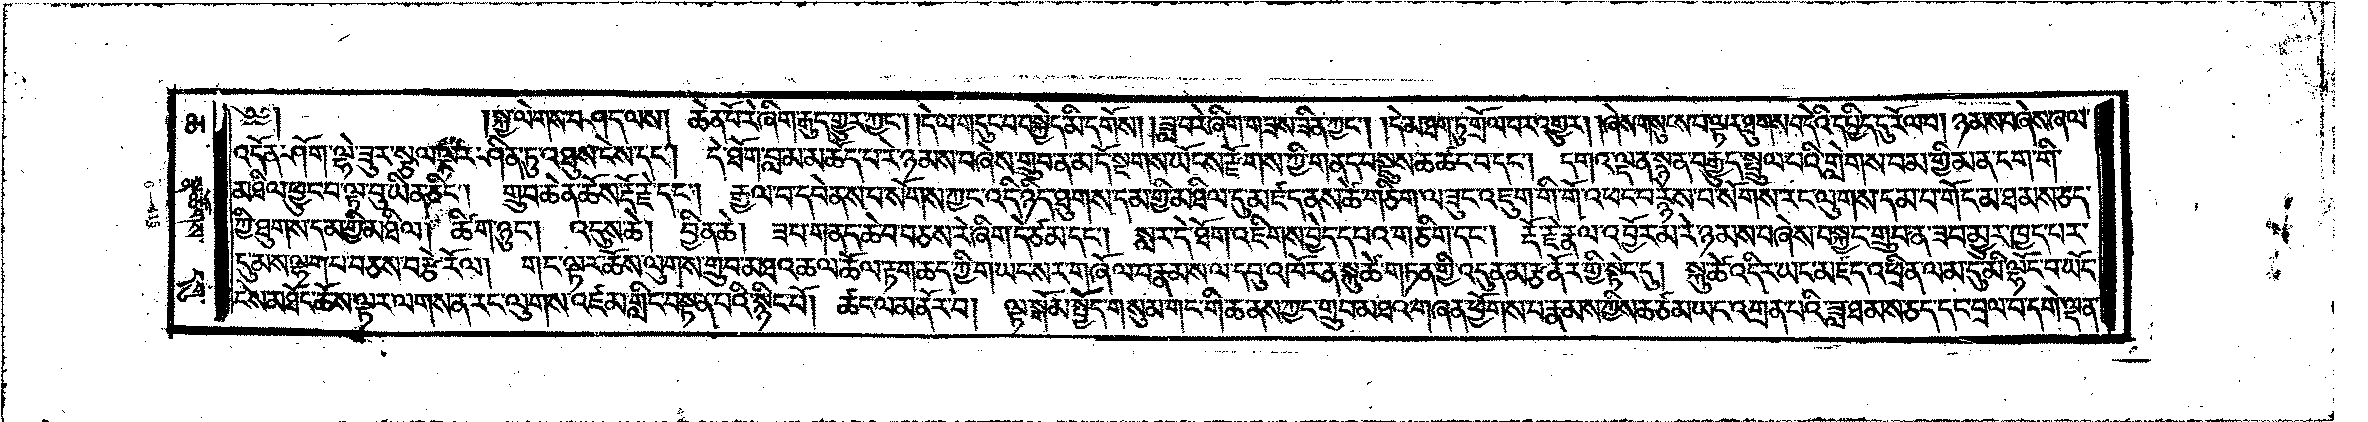༄༅། །སྐྱ་ལེགས་བཤད་ལས། ཆེན་པོ་རེ་ཞིག་རྒུད་གྱུར་ཀྱང་། །དེ་ལ་གདུང་བ་བསྐྱེད་མི་དགོས། །ཟླ་བ་རེ་ཞིག་གཟས་ཟིན་ཀྱང་། །དེ་མ་ཐག་ཏུ་གྲོལ་བར་འགྱུར། །ཞེས་གསུངས་པ་ལྟར་ཐུགས་བདེའི་དཔྱིད་དུ་རོལ་བ། ཉམས་བཞེས་ཞལ་
འདོན་ཤོག་ལྷེ་ཟུར་སྩལ་ལྟར་ཤིན་ཏུ་འཐུས་ངེས་དང་། དེ་ཐོག་བླ་མ་མཆོད་པ་རེ་ཉམས་བཞེས་གྲུབ་ན་མདོ་སྔགས་ཡོངས་རྫོགས་ཀྱི་གནད་བསྡུས་ཆ་ཚང་བ་དང་། དགའ་ལྡན་སྙན་བརྒྱུད་སྤྲུལ་པའི་གླེགས་བམ་གྱི་མན་ངག་གི་
མཐིལ་ཕྱུང་བ་ལྟ་བུ་ཡིན་ཅིང་། གྲུབ་ཆེན་ཆོས་རྡོ་རྗེ་དང་། རྒྱལ་བ་དབེན་ས་བ་སོགས་ཀྱང་འདི་ཉིད་ཐུགས་དམ་གྱི་མཐིལ་དུ་མཛད་ནས་ཚེ་གཅིག་ལ་ཟུང་འཇུག་གི་གོ་འཕང་བརྙེས་པ་སོགས་རང་ལུགས་དམ་པ་གོང་མ་ཐམས་ཅད་
ཀྱི་ཐུགས་དམ་གྱི་མཐིལ། ཚིག་ཉུང་། འདུས་ཆེ། བྱིན་ཆེ། ཟབ་གནད་ཆེ་བ་བཅས་རེ་ཞིག་དེ་ཙམ་དང་། སླར་དེ་ཐོག་འཇིགས་བྱེད་དཔའ་གཅིག་དང་། རྡོ་རྗེ་རྣལ་འབྱོར་མ་རེ་ཉམས་བཞེས་བསྐྱང་གྲུབ་ན་ཟབ་མྱུར་ཁྱད་པར་
དུ་མས་ལྷག་པ་བཅས་བརྩེ་རོལ། གང་ལྟར་ཆོས་ལུགས་གྲུབ་མཐའ་ཆལ་ཆོལ་རྟག་ཆད་ཀྱི་གཡང་སར་གཞོལ་བ་རྣམས་ལ་དབུ་འཁོར་ན་སྐུ་ཚེ་གཏན་གྱི་འདུན་མ་རྩ་ནོར་གྱི་སྟེང་དུ། སྐུ་ཚེ་འདིར་ཡང་མཛད་འཕྲིན་ལམ་དུ་མི་ལྷོང་བ་ཡོང་
ངེས་མཐོང་ཆོས་ལྟར་ལགས་ན་རང་ལུགས་འཛམ་གླིང་བསྟན་པའི་སྙིང་པོ། ཚང་ལམ་ནོར་བ། ལྟ་སྒོམ་སྤྱོད་གསུམ་གང་གི་ཆ་ནས་ཀྱང་གྲུབ་མཐའ་གཞན་ཕྱོགས་པ་རྣམས་ཀྱིས་ཆ་ཙམ་ཡང་འགྲན་པའི་ཟླ་ཐམས་ཅད་དང་བྲལ་བ་དགེ་ལྡན་